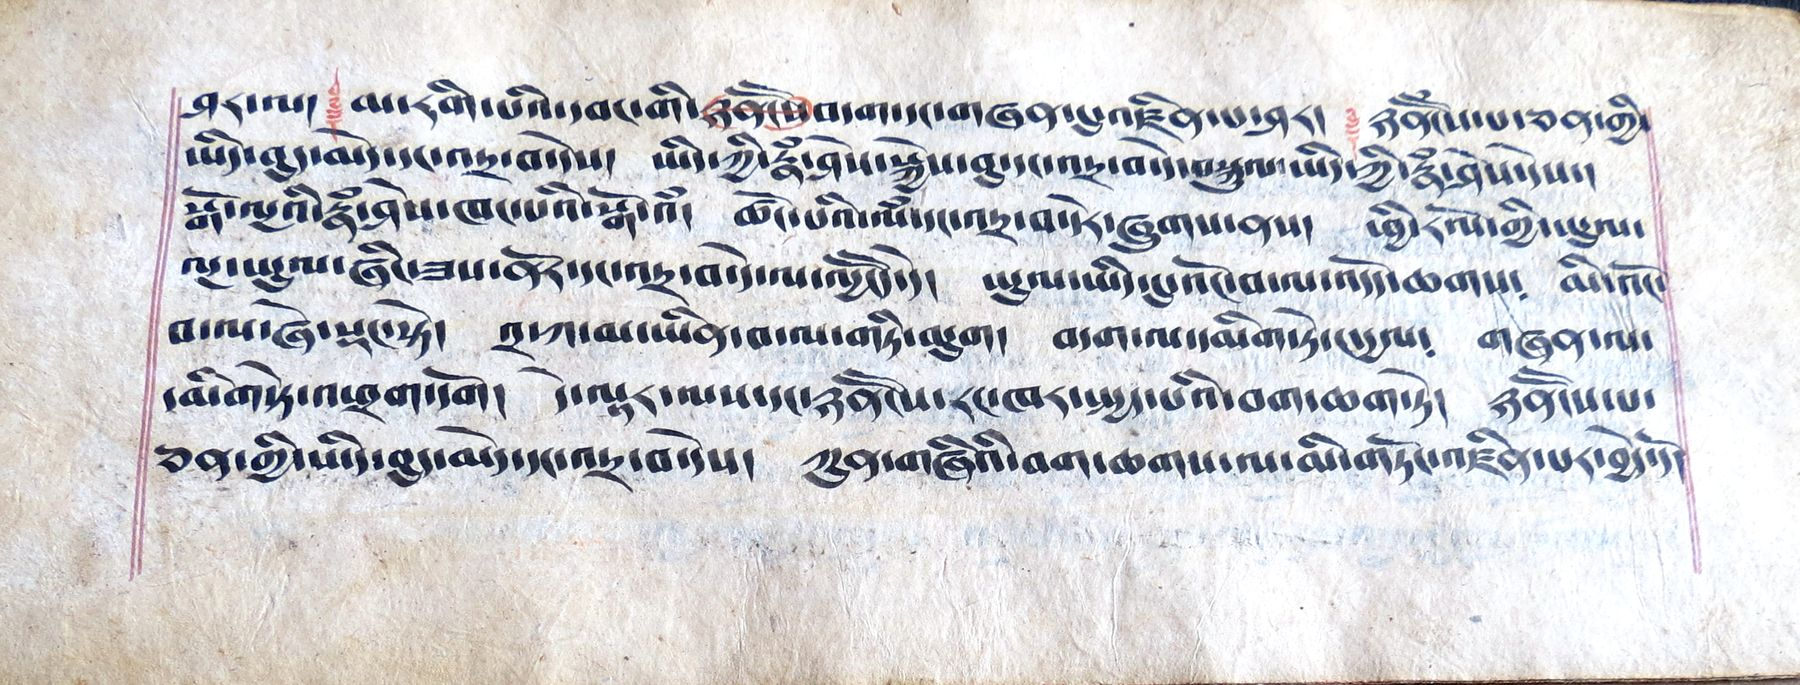ཤར་བ་ལ། མ་རིག་པའི་དབང་གིས་ཉོན་མོངས་པ་ཅན་གྱི་ཡིད་བདག་དང་གཞན་དུ་འཛིན་པར་ཤར། ཉོན་མོངས་པ་ཅན་གྱི་
ཡིད་བུད་མེད་འདྲ་བ་དེས། ཡིད་ཀྱི་རྣམ་པར་ཤེས་པ་སྐྱེས་བུ་དང་འདྲ་བ་དེ་བསྐུལ། ཡིད་ཀྱི་རྣམ་ཤེས་དེས། 
སྒོ་ལྔའི་རྣམ་ཤེས་ཁང་པའི་སྒོ་འམ། ཚོང་པའི་ལམ་དང་འདྲ་བར་ཞུགས་ནས། ཕྱི་རོལ་གྱི་ཡུལ་
ལྔ། ཡུལ་ཞིང་ཟས་ནོར་དང་འདྲ་བ་དེ་ལ་ལོངས་སྤྱོད་དེ། ཡུལ་ཡིད་དུ་འོང་བ་ལ་འདོད་ཆགས། ཡིད་དུ་མི་འོང་
ལ་ཞེ་སྡང་། གཉིས་ཀ་མ་ཡིན་པ་ལ་གཏི་མུག། བདག་ལ་དམིགས་ཏེ་ང་རྒྱལ། གཞན་ལ་
དམིགས་ཏེ་ཕྲག་དོག། དེ་ལྟར་ལས་དང་ཉོན་མོངས་རང་ཁར་སྤྱད་པའི་བག་ཆགས་དེ། ཉོན་མོངས་པ་
ཅན་གྱི་ཡིད་བུད་མེད་འདྲ་བ་དེས། ཀུན་གཞིའི་བག་ལ་མི་གཏོང་འཛིན་པར་བྱེད་དོ། །